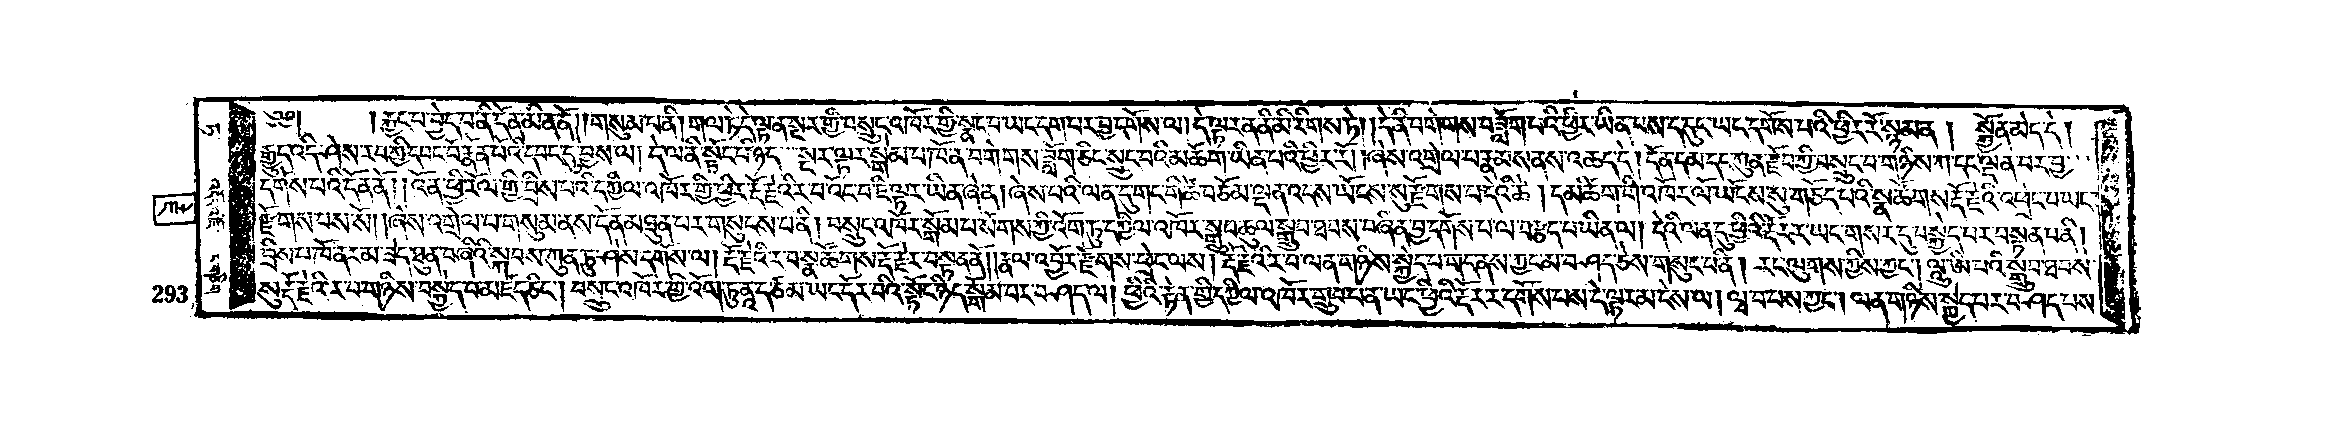༄༅། །རྐྱང་པ་བྱེད་པ་ནི་དོན་མིན་ནོ། །གསུམ་པ་ནི། གལ་ཏེ་དེ་ལྟ་ན་སྔར་གྱི་བསྲུང་འཁོར་གྱི་སྣང་བ་ཡང་དག་པར་བྱ་དགོས་ལ། དེ་ལྟར་ན་ནི་མི་རིགས་ཏེ། །དེ་ནི་བགེགས་བཟློག་པའི་ཕྱིར་ཡིན་པས་ད་དུང་ཡང་དགོས་པའི་ཕྱིར་རོ་སྙམ་ན། སྐྱོན་མེད་དེ།
རྒྱུད་འདི་ཤེས་རབ་ཀྱི་དབང་པོ་རྣོན་པོའི་དབང་དུ་བྱས་ལ། དེ་ལ་ནི་སྟོང་པ་ཉིད་སྔར་ལྟར་སྒོམ་པ་ཁོ་ན་བགེགས་ཟློག་ཅིང་སྲུང་བའི་མཆོག་ཡིན་པའི་ཕྱིར་རོ། །ཞེས་འགྲེལ་པ་རྣམས་ནས་འཆད་དེ། དོན་དམ་དང་ཀུན་རྫོབ་ཀྱི་བསྲུང་བ་གཉིས་ཀ་དང་ལྡན་པར་བྱ་
དགོས་པའི་དོན་ནོ། །འོ་ན་ཕྱི་རོལ་གྱི་བྲིས་པའི་དཀྱིལ་འཁོར་གྱི་ཕྱིར་རྡོ་རྗེའི་ར་བ་འོང་བ་ཇི་ལྟར་ཡིན་ཞེ་ན། ཞེས་པའི་ལན་དུ་གང་གི་ཚེ་བཅོམ་ལྡན་འདས་ཡོངས་སུ་རྫོགས་པ་དེའི་ཚེ། དམ་ཚིག་གི་འཁོར་ལོ་ཡོངས་སུ་གཅོད་པའི་སྣ་ཚོགས་རྡོ་རྗེའི་འཕྲེང་བ་ཡང་།
རྫོགས་པས་སོ། །ཞེས་འགྲེལ་པ་གསུམ་ནས་དོན་མཐུན་པར་གསུངས་པ་ནི། བསྲུང་འཁོར་སྒོམ་པ་སོགས་ཀྱི་འོག་ཏུ་དཀྱིལ་འཁོར་སྒྲུབ་ཚུལ་སྒྲུབ་ཐབས་བཞིན་བྱ་དགོས་པ་ལ་བརྩད་པ་ཡིན་ལ། དེའི་ལན་དུ་ཕྱིའི་རྡོར་ར་ཡང་གསར་དུ་བསྐྱེད་པར་བསྟན་པ་ནི།
བྲིས་པ་ཁོ་ནར་མ་ཟད་ཐུན་བཞིའི་སྐབས་ཀུན་ཏུ་ཤེས་དགོས་ལ། རྡོ་རྗེའི་ར་བ་སྣ་ཚོགས་རྡོ་རྗེར་བསྟན་ནོ། །རྣལ་འབྱོར་རྫོགས་ཕྲེང་ལས། རྡོ་རྗེའི་ར་བ་ལན་གཉིས་སྐྱེད་པ་གད་ནས་ཀྱང་མ་བཤད་ཅེས་གསུང་པ་ནི། རང་ལུགས་ཀྱིས་ཀྱང་། ལཱུ་ཨི་པའི་སྒྲུབ་ཐབས་
སུ་རྡོ་རྗེའི་ར་བ་གཉིས་བསྐྱེད་པ་མཛད་ཅིང་། བསྲུང་འཁོར་གྱི་འོག་ཏུ་ནཱ་ད་ཙམ་ཡང་དོར་བའི་སྟོང་ཉིད་སྒོམ་པར་བཤད་ལ། ཕྱིའི་རྟེན་གྱི་དཀྱིལ་འཁོར་གྲུབ་པ་ན་ཡང་ཕྱིའི་རྡོར་ར་དགོས་པས་དེ་ལྟར་མ་ངེས་ལ། ལྭ་བ་པས་ཀྱང་། ལན་གཉིས་སྐྱེད་པར་བཤད་པས་